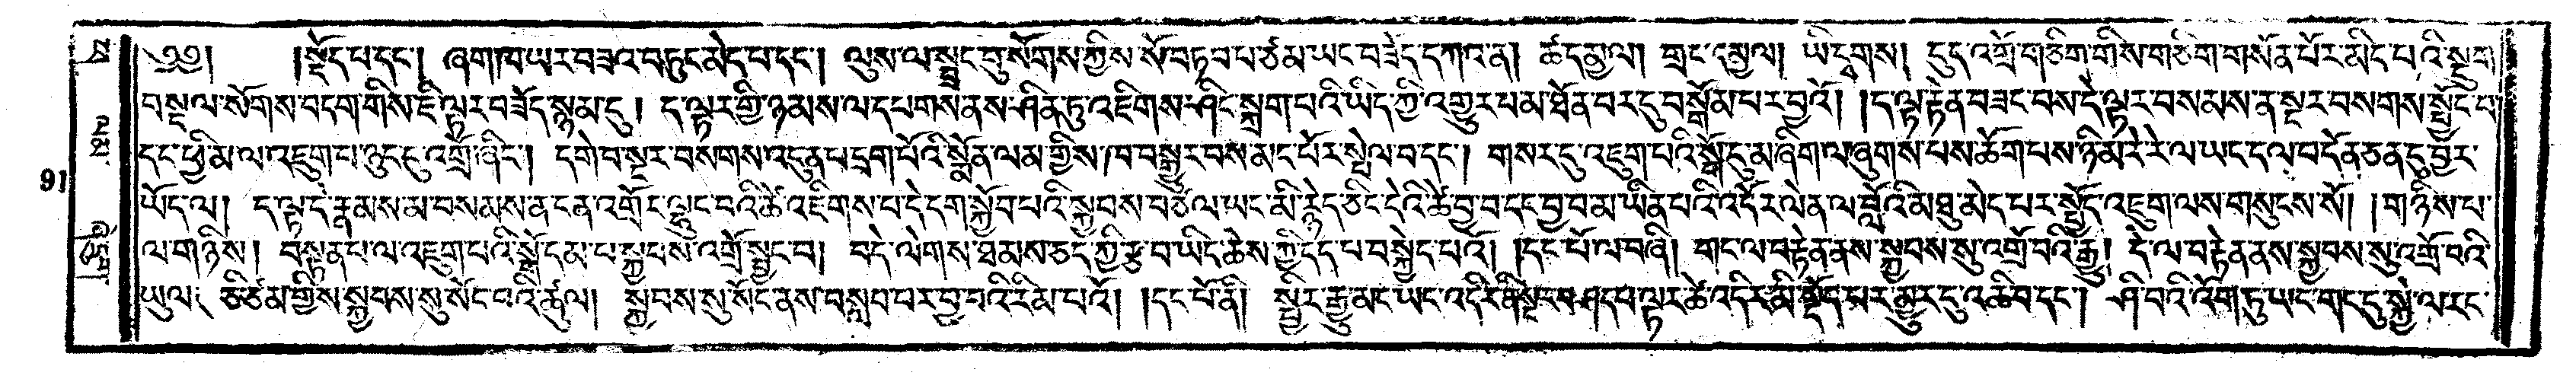༄༅། །སྡོད་པ་དང་། ཞག་ཁ་ཡར་བཟའ་བཏུང་མེད་པ་དང་། ལུས་ལ་སྦྲང་བུ་སོགས་ཀྱིས་སོ་བཏབ་པ་ཙམ་ཡང་བཟོད་དཀའ་ན། ཚ་དམྱལ། གྲང་དམྱལ། ཡི་དྭགས། དུད་འགྲོ་གཅིག་གིས་གཅིག་གསོན་པོར་མིང་པའི་སྡུག་
བསྔལ་སོགས་བདག་གིས་ཇི་ལྟར་བཟོད་སྙམ་དུ། ད་ལྟར་གྱི་ཉམས་ལ་དཔགས་ནས་ཤིན་ཏུ་འཇིགས་ཤིང་སྐྲག་པའི་ཡིད་ཀྱི་འགྱུར་པ་མ་ཐོན་བར་དུ་བསྒོམ་པར་བྱའོ། །ད་ལྟ་རྟེན་བཟང་བས་དེ་ལྟར་བསམས་ན་སྔར་བསགས་སྤྱོང་བ་
དང་ཕྱི་མ་ལ་འཇུག་པ་ཉུང་དུ་འགྲོ་ཞིང་། དགེ་བ་སྔར་བསགས་འདུན་པ་དྲག་པོའི་སྨོན་ལམ་གྱིས་ཁ་བསྒྱུར་བས་མང་པོར་སྤེལ་བ་དང་། གསར་དུ་འཇུག་པའི་སྒོ་དུ་མ་ཞིག་ལ་ཞུགས་པས་ཆོག་པས་ཉི་མ་རེ་རེ་ལ་ཡང་དལ་བ་དོན་ཅན་དུ་བྱར་
ཡོད་ལ། ད་ལྟ་དེ་རྣམས་མ་བསམས་ན་ངན་འགྲོང་ལྷུང་བའི་ཚེ་འཇིགས་པ་དེ་དག་སྐྱོབ་པའི་སྐྱབས་བཙལ་ཡང་མི་རྙེད་ཅིང་དེའི་ཚེ་བྱ་བ་དང་བྱ་བ་མ་ཡིན་པའི་འདོར་ལེན་ལ་བློའི་མཐུ་མེད་པར་སྤྱོད་འཇུག་ལས་གསུངས་སོ། །གཉིས་པ་
ལ་གཉིས། བསྟན་པ་ལ་འཇུག་པའི་སྒོ་དམ་པ་སྐྱབས་འགྲོ་སྦྱང་བ། བདེ་ལེགས་ཐམས་ཅད་ཀྱི་རྩ་བ་ཡིད་ཆེས་ཀྱི་དད་པ་བསྐྱེད་པའོ། །དང་པོ་ལ་བཞི། གང་ལ་བརྟེན་ནས་སྐྱབས་སུ་འགྲོ་བའི་རྒྱུ། དེ་ལ་བརྟེན་ནས་སྐྱབས་སུ་འགྲོ་བའི་
ཡུལ༑ ཅི་ཙམ་གྱིས་སྐྱབས་སུ་སོང་བའི་ཚུལ། སྐྱབས་སུ་སོང་ནས་བསླབ་བར་བྱ་བའི་རིམ་པའོ། །དང་པོ་ནི། སྦྱིར་རྒྱུ་མང་ཡང་འདིར་ནི་སྔར་བཤད་པ་ལྟར་ཚེ་འདིར་མི་སྡོད་པར་མྱུར་དུ་འཆིབ་དང་། ཤི་བའི་འོག་ཏུ་ཡང་གང་དུ་སྐྱེ་ལ་རང་